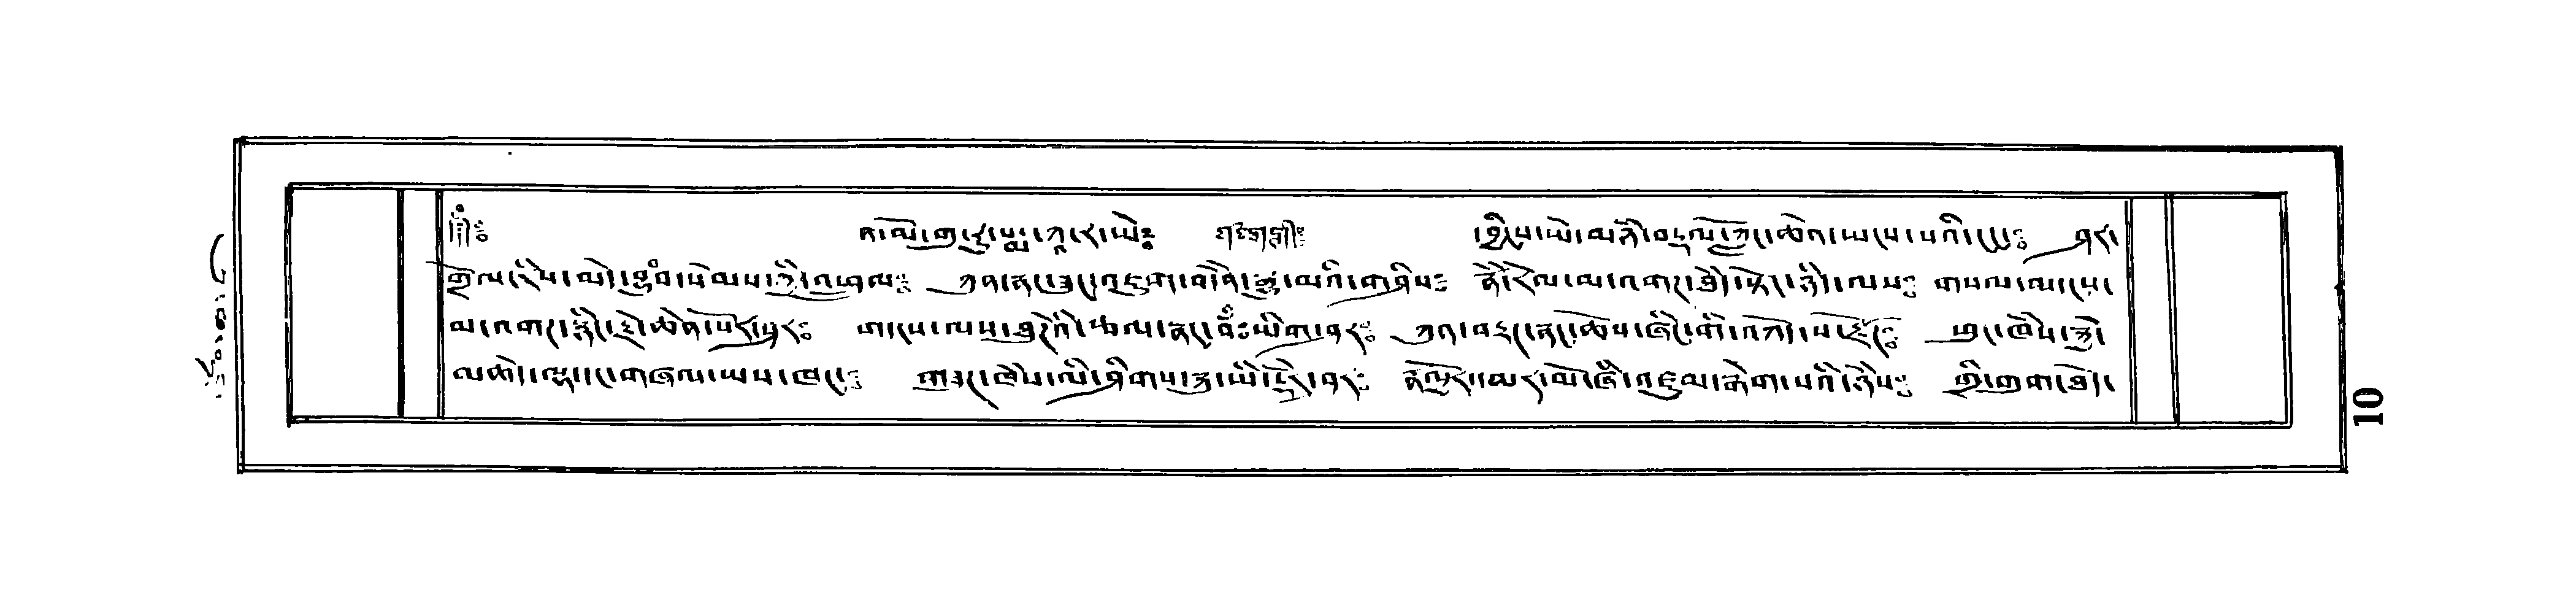ན་མོ་གུ་རུ་པདྨ་ཀཱ་ར་ཡེ༔ དབྱིངས་ཡེ་མཉམ་བརྡལ་ཀློང་ཆེན་ཡངས་པའི་ངང༔ ཤར་
གྲོལ་རིས་མེད་བྱང་ཆུབ་སེམས་ཀྱི་འཕྲུལ༔ ཀུན་སྣང་ཟུང་འཇུག་བདེ་ཆེན་སྒྱུ་མའི་གཤིས༔ རྣམ་རོལ་མ་འགགས་ཐམས་ཅད་སྟོང་ཉིད་ལས༔ གསལ་མདངས་
མ་འགགས་སྙིང་རྗེ་ཆེན་པོར་ཤར༔ གདངས་ལས་ཐུགས་རྗེའི་རྩལ་སྣང་བྃཿཡིག་ཤར༔ ཀུན་བརྟགས་སྣང་ཆོས་ཞིང་གི་བཀོད་པ་རྫོགས༔ ཕུང་ཁམས་སྐྱེ་
མཆེད་ལྷ་དང་གཞལ་ཡས་ཁང༔ གཟུགས་ཁམས་མི་ཤིགས་སྐུ་ཡི་རྡོ་རྗེར་ཤར༔ རྣལ་འབྱོར་དམར་མོ་ཞི་འཛུམ་སྒེག་པའི་ཉམས༔ གྲི་གུག་ཐོད་